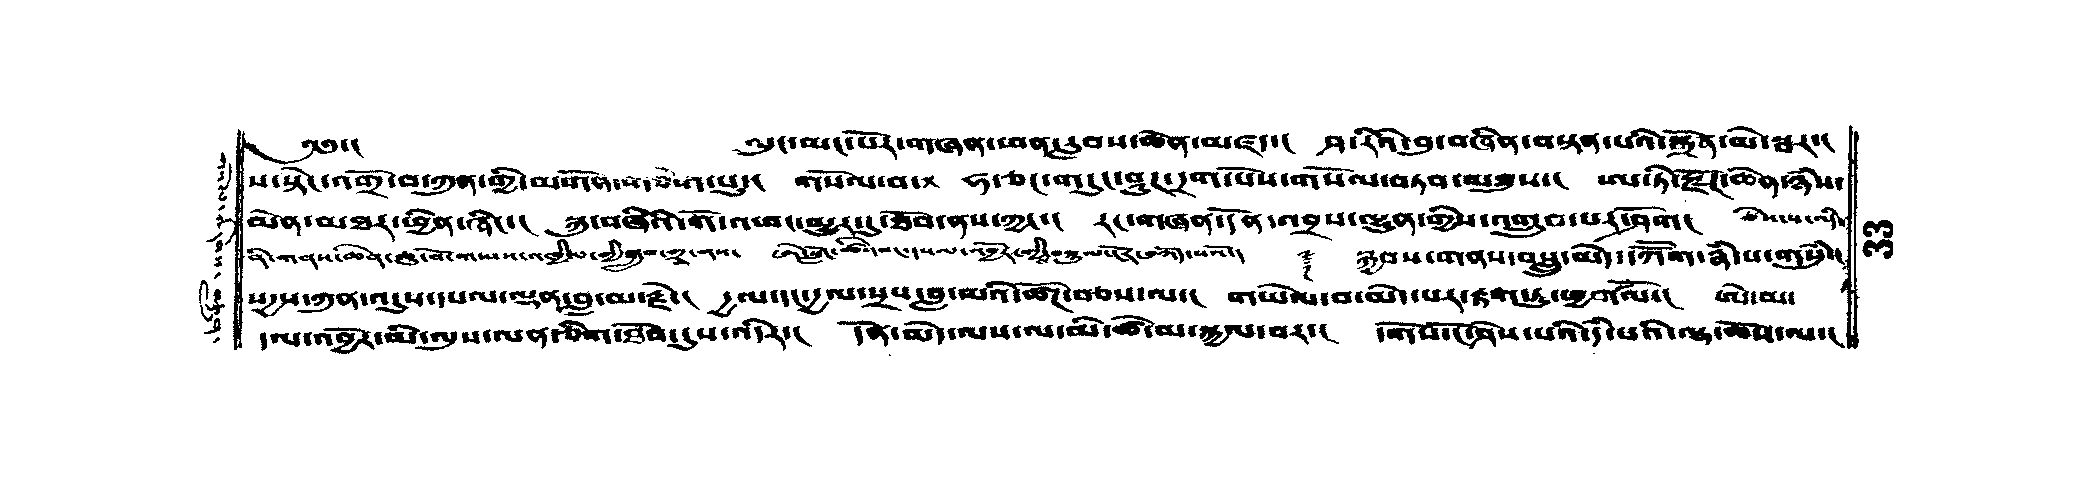ལུང་མང་པོར་གཞན་ཕན་རླབས་ཆེན་མཛད། །ཤ་རིའི་བུ་བཞིན་བསྟན་པའི་སྒྲོན་མེ་སྦར། །
ས་སྟེང་འགྲོ་བ་ཀུན་གྱི་མགོན་གཅིག་པུ། །གསོལ་བ༴ །ཧ་ཅང་གདུང་ཤུགས་དྲག་པོས་གསོལ་བཏབ་མཐུས། །ཨ་ཏི་རྫོགས་ཆེན་ཉམས་
ལེན་མཐར་ཕྱིན་ཞིང་། །སྐུ་བཞིའི་གོ་འཕང་མྱུར་དུ་ཐོབ་ནས་ཀྱང་། །རང་གཞན་དོན་འབྲས་ལྷུན་གྱིས་འགྲུབ་པར་ཤོག ཅེས་པ་འདི་
ནི་གནས་ཆེན་ཆུ་བོ་གཡས་འཁྱིལ་གྱི་སྒྲུབ་གྲྭ་ནས། དགེ་སློང་ཚེ་དབང་དཔལ་འབྱོར་གྱིས་བསྐུལ་ངོར་བཀོད་པའོ།། ༈ སྐྱབས་གནས་བསླུ་མེད་དཀོན་མཆོག་རྣམ་པ་གསུམ། །
སངས་རྒྱས་ཀུན་འདུས་དཔལ་ལྡན་བླ་མ་རྗེ། །རྒྱལ་དང་རྒྱས་སྲས་བླ་མའི་ཚོགས་བཅས་ལ། །གཡེལ་བ་མེད་པར་རྟག་ཏུ་ཕྱག་འཚལ་ལོ། ཨེ་མ། 
དལ་འབྱོར་མི་ལུས་ལན་གཅིག་ཐོབ་དུས་འདིར། །དོན་མེད་ལས་ལ་མི་ཚེ་མ་སྐྱལ་བར། །དགོས་ངོ་ཤེས་པའི་དམ་པའི་ལྷ་ཆོས་ལ།